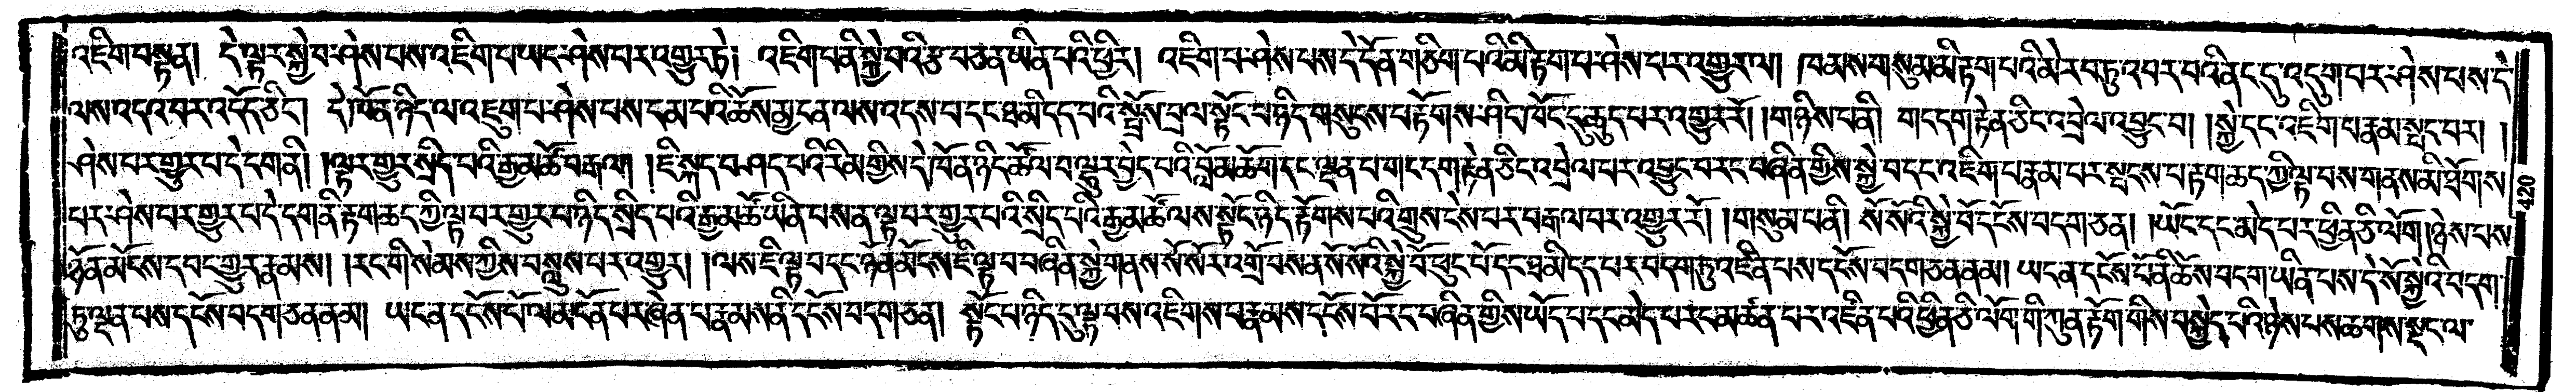འཇིག་བསྟན། དེ་ལྟར་སྐྱེ་བ་ཤེས་པས་འཇིག་པ་ཡང་ཤེས་པར་འགྱུར་ཏེ། འཇིག་པ་ནི་སྐྱེ་བའི་རྩ་བ་ཅན་ཡིན་པའི་ཕྱིར། འཇིག་པ་ཤེས་པས་དེ་དོན་གཅིག་པའི་མི་རྟག་པ་ཤེས་པར་འགྱུར་ལ། ཁམས་གསུམ་མི་རྟག་པའི་མེ་རབ་ཏུ་འབར་བའི་ནང་དུ་འདུག་པར་ཤེས་པས་དེ་
ལས་འདའ་བར་འདོད་ཅིང་། དེ་ཁོ་ན་ཉིད་ལ་འཇུག་པ་ཤེས་པས་དམ་པའི་ཆོས་མྱ་ངན་ལས་འདས་པ་དང་ཐ་མི་དད་པའི་སྤྲོས་བྲལ་སྟོང་པ་ཉིད་གསུངས་པ་རྟོགས་ཤིང་ཁོང་དུ་ཆུད་པར་འགྱུར་རོ། །གཉིས་པ་ནི། གང་དག་རྟེན་ཅིང་འབྲེལ་འབྱུང་བ། །སྐྱེ་དང་འཇིག་པ་རྣམ་སྤང་བར། །
ཤེས་པར་གྱུར་པ་དེ་དག་ནི། །ལྟར་གྱུར་སྲིད་པའི་རྒྱ་མཚོ་བརྒལ། །ཇི་སྐད་བཤད་པའི་རིམ་གྱིས་དེ་ཁོ་ན་ཉིད་ཚོལ་བ་ལྷུར་བྱེད་པའི་བློ་མཆོག་དང་ལྡན་པ་གང་དག་རྟེན་ཅིང་འབྲེལ་པར་འབྱུང་བ་རང་བཞིན་གྱིས་སྐྱེ་བ་དང་འཇིག་པ་རྣམ་པར་སྤངས་པ་རྟག་ཆད་ཀྱི་ལྟ་བས་གནས་མི་ཐོགས་
པར་ཤེས་པར་གྱུར་པ་དེ་དག་ནི་རྟག་ཆད་ཀྱི་ལྟ་བར་གྱུར་པ་ཉིད་སྲིད་པའི་རྒྱ་མཚོ་ཡིན་པས་ན་ལྟ་བར་གྱུར་པའི་སྲིད་པའི་རྒྱ་མཚོ་ལས་སྟོང་ཉིད་རྟོགས་པའི་གྲུས་ངེས་པར་བརྒལ་བར་འགྱུར་རོ། །གསུམ་པ་ནི། སོ་སོའི་སྐྱེ་བོ་དངོས་བདག་ཅན། །ཡོད་དང་མེད་པར་ཕྱིན་ཅི་ལོག །ཉེས་པས་
ཉོན་མོངས་དབང་གྱུར་རྣམས། །རང་གི་སེམས་ཀྱིས་བསླུས་པར་འགྱུར། །ལས་ཇི་ལྟ་བ་དང་ཉོན་མོངས་ཇི་ལྟ་བ་བཞིན་སྐྱེ་གནས་སོ་སོར་འགྲོ་བས་ན་སོ་སོའི་སྐྱེ་བོ་ཕུང་པོ་དང་ཐ་མི་དད་པར་བདག་ཏུ་འཛིན་པས་དངོས་བདག་ཅན་ནམ། ཡང་ན་དངོས་པོ་ནི་ཆོས་བདག་ཡིན་པས་དེ་སོ་སྐྱེའི་བདག་
ཏུ་ལྡན་པས་དངོས་བདག་ཅན་ནམ། ཡང་ན་དངོས་པོ་ལ་མངོན་པར་ཞེན་པ་རྣམས་ནི་དངོས་བདག་ཅན། སྟོང་པ་ཉིད་དུ་ལྟ་བས་འཇིགས་པ་རྣམས་དངོས་པོ་རང་བཞིན་གྱིས་ཡོད་པ་དང་མེད་པ་རང་མཚན་པར་འཛིན་པའི་ཕྱིན་ཅི་ལོག་གི་ཀུན་རྟོག་གིས་བསྐྱེད་པའི་ཉེས་པས་ཆགས་སྡང་ལ་